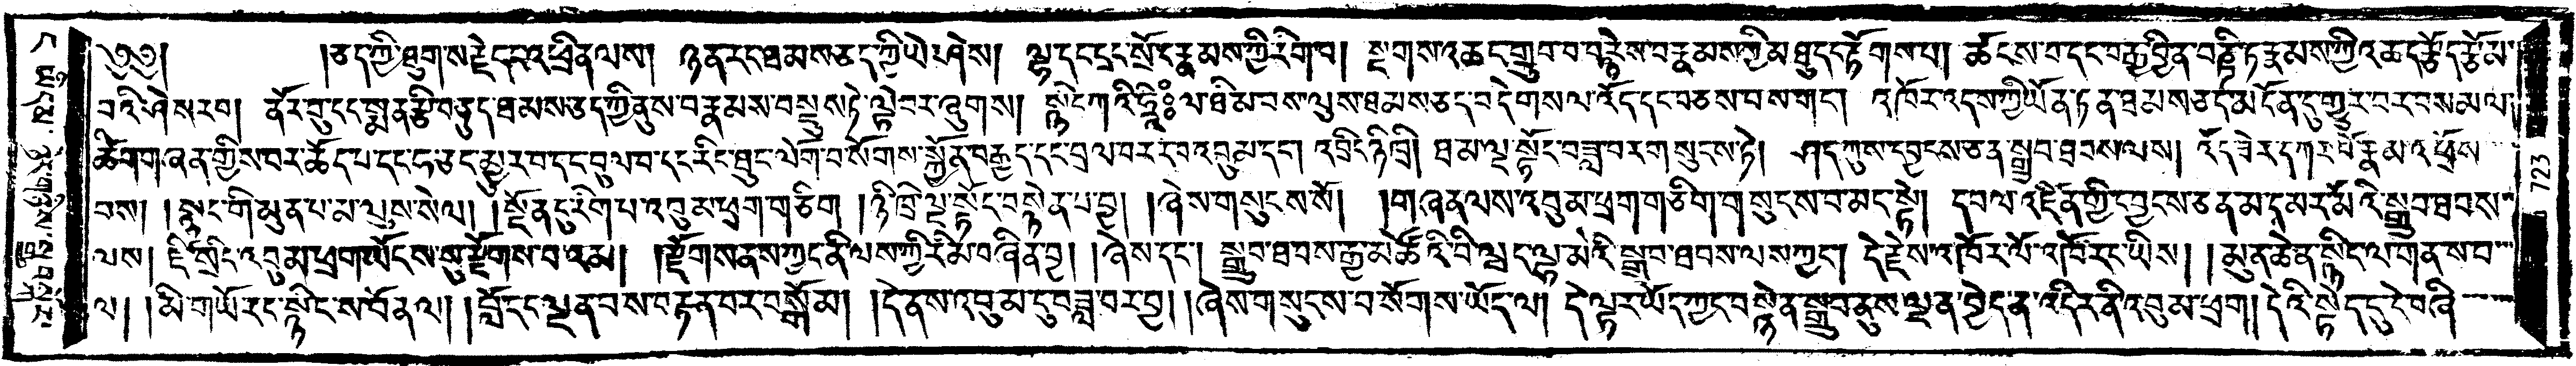༄༅། །ཅད་ཀྱི་ཐུགས་རྗེ་དང་འཕྲིན་ལས། ཉན་རང་ཐམས་ཅད་ཀྱི་ཡེ་ཤེས། ལྷ་དང་དྲང་སྲོང་རྣམས་ཀྱི་རིག་པ། སྔགས་འཆང་གྲུབ་བ་བརྙེས་བ་རྣམས་ཀྱི་མཐུ་དང་རྟོགས་པ། ཚངས་པ་དང་བརྒྱ་བྱིན་པཎྜི་ཏ་རྣམས་ཀྱི་འཆད་རྩོད་རྩོམ་
བའི་ཤེས་རབ། ནོར་བུ་དང་སྨན་རྩི་བཅུད་ཐམས་ཅད་ཀྱི་ནུས་བ་རྣམས་བསྡུས་ཏེ་ལྟེ་བར་ཞུགས། སྙིང་ཀའི་ཧྲཱིཿ ལ་ཐིམ་བས་ལུས་ཐམས་ཅད་བདེ་གསལ་འོད་དང་བཅས་པ་བས་གང་། འཁོར་འདས་ཀྱི་ཡོན་ཏན་ཐམས་ཅད་མངོན་དུ་གྱུར་བར་བས་མལ་
ཚིག་གཞན་གྱིས་བར་ཆོད་པ་དང་ཧ་ཅང་མྱུར་བ་དང་བུལ་བ་དང་རིང་ཐུང་ལོག་བ་སོགས་སྐྱོན་བརྒྱད་དང་བྲལ་བར་རབ་འབུམ་དང་། འབྲིང་ཉི་ཁྲི། ཐ་མ་ལྔ་སྟོད་བཟལ་བར་གསུངས་ཏེ། ཤད་ཀུས་དབྱངས་ཅན་སྒྲུབ་ཐབས་ལས། འོད་ཟེར་དཀར་པོ་རྣམ་འཕྲོས་
བས། །སྙིང་གི་མུན་པ་མ་ལུས་སེལ། །སྔོན་དུ་རིག་པ་འབུམ་ཕྲག་གཅིག །ཉི་ཁྲི་ལྔ་སྟོང་བསྙེན་པ་བྱ། །ཞེས་གསུངས་སོ། །གཞན་ལས་འབུམ་ཕྲག་གཅིག་གསུངས་བ་མད་སྟེ། དབལ་འཛིན་གྱི་དབྱངས་ཅན་མ་དམར་མོའི་སྒྲུབ་ཐབས་
ལས། ཇི་སྲིད་འབུམ་ཕྲག་ཡོངས་སུ་རྫོགས་བ་འམ། །རྫོགས་ནས་ཀྱང་ནི་ལས་ཀྱི་རིམ་བཞིན་བྱ། །ཞེས་དང་། སྒྲུབ་ཐབས་རྒྱ་མཚོའི་བི་ཝད་ལྷ་མེའི་སྒྲུབ་ཐབས་ལས་ཀྱང་། དེ་རྗེས་འཁོར་ལོ་འཁོ་རང་ཡིས། །མུན་ཆེན་སྙིང་ལ་གནས་བ་
ལ། །མི་གཡོ་རང་སྙིང་ས་བོན་ལ། །བློ་དང་ལྡན་བས་བརྟན་བར་བསྒོམ། །དེ་ནས་འབུམ་དུ་བཟླ་བར་བྱ། །ཞེས་གསུངས་བ་སོགས་ཡོད་ལ། དེ་ལྟར་ཡོད་ཀྱང་བསྙེན་སྒྲུབ་ནུས་ལྔན་བྱེད་ན་འདིར་ནི་འབུམ་ཕྲག། དེའི་སྟེང་དུ་ངེ་བཞི་